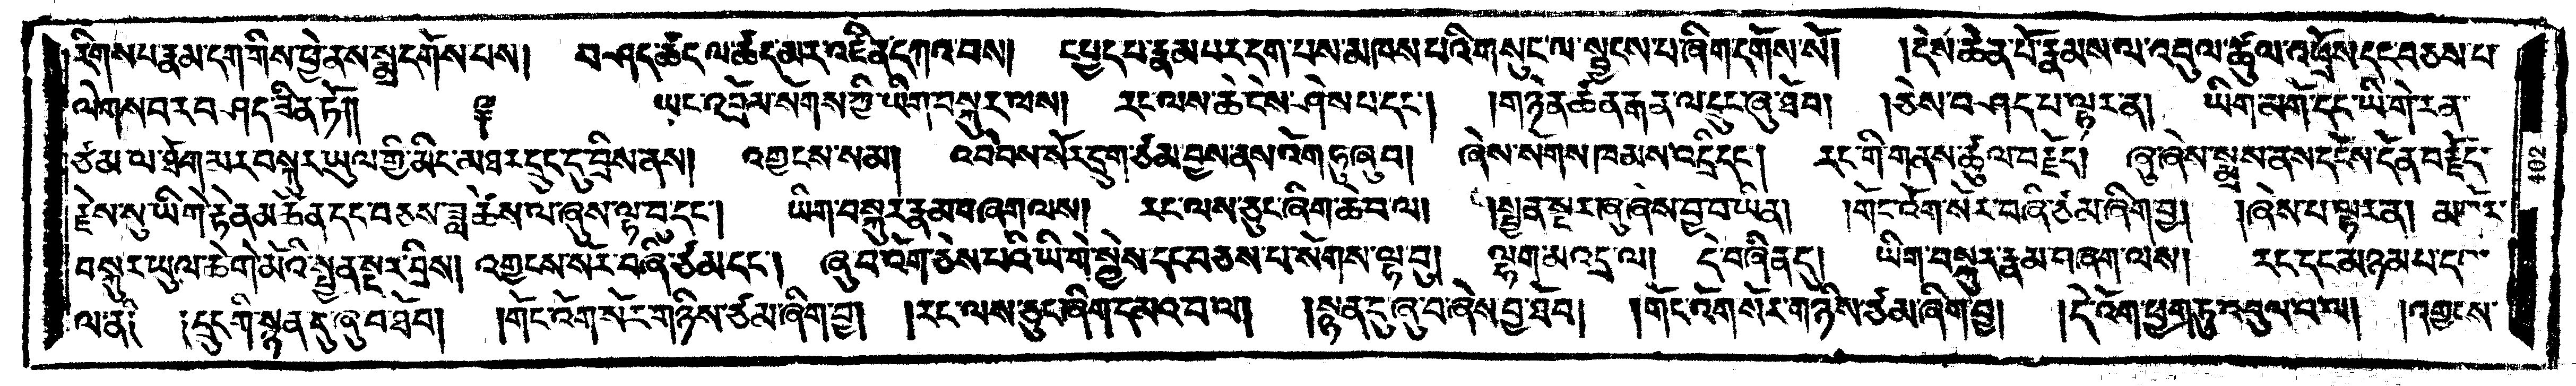རིགས་པ་རྣམ་དག་གིས་ཕྱེ་ནས་སྨྲ་དགོས་པས། བཤད་ཚང་ལ་ཚད་མར་འཛིན་དཀའ་བས། དཔྱད་པ་རྣམ་པར་དག་པས་མཁས་པའི་གསུང་ལ་སྦྱངས་པ་ཞིག་དགོས་སོ། །དེས་ཆེན་པོ་རྣམས་ལ་འབུལ་ཚུལ་འཕྲོས་དང་བཅས་པ་
ལེགས་བར་བཤད་ཟིན་ཏོ།། ༈ ཡང་འབྲོམ་སོགས་ཀྱི་ཡིག་བསྐུར་ལས། རང་ལས་ཆེ་ངེས་ཤེས་པ་དང་། །གཉེན་ཆེན་རྒན་ལ་དུང་ཞུ་ཐོབ། །ཅེས་བཤད་པ་ལྟར་ན། ཡིག་མགོ་དང་ཡི་གེ་རན་
ཙམ་ལ་ཐོག་མར་བསྐུར་ཡུལ་གྱི་མིང་མཐར་དྲུང་དུ་བྲིས་ནས། འགྱངས་སམ། འབེབས་སོར་དྲུག་ཙམ་བྱས་ནས་འོག་ཏུ་ཞུབ། ཞེས་སོགས་ཁམས་འདྲི་དང་། རང་གི་གནས་ཚུལ་བརྗོད། ཞུ་ཞེས་སྨྲས་ནས་དངོས་དོན་བརྗོད་
རྗེས་སུ་ཡི་གེ་རྟེན་མཆོན་དང་བཅས་ཟླ་ཚེས་ལ་ཞུས་ལྟ་བ་དང་། ཡིག་བསྐུར་རྣམ་བཞག་ལས། རང་ལས་ཅུང་ཞིག་ཆེ་བ་ལ། །སྤྱན་སྔར་ཞུ་ཞེས་བྱ་བ་ཡིན། །གོང་འོག་སོར་བཞི་ཙམ་ཞིག་བྱ། །ཞེས་པ་ལྷར་ན། མགོར?
བསྐུར་ཡུལ་ཆེ་གེ་མོའི་སྤྱན་སྔར་བྲིས། འགྱངས་སོར་བཞི་ཙམ་དང་། ཞུབ་འོག་ཅེས་པའི་ཡི་གེ་སྐྱེས་དང་བཅས་པ་སོགས་ལྷ་བུ། ལྷག་མ་འདྲ་ལ། དེ་བཞིན་དུ། ཡིག་བསྐུར་རྣམ་བཞག་ལས། རང་དང་མཉམ་པ་ད?
ལན། །དྲུང་གི་སྙན་དུ་ཞུ་བ་ཐོབ། །གོང་འོག་སོར་གཉིས་ཙམ་ཞིག་བྱ། །རང་ལས་ཅུང་ཞིག་དམའ་བ་ལ། །སྙན་དུ་ཞུ་བ་ཞེས་བྱ་ཐོབ། །གོང་འོག་སོར་གཉིས་ཙམ་ཞིག་བྱ། །དེ་འོག་ཕྱག་ཏུ་འབུལ་བ་ལ། །འགྱངས་